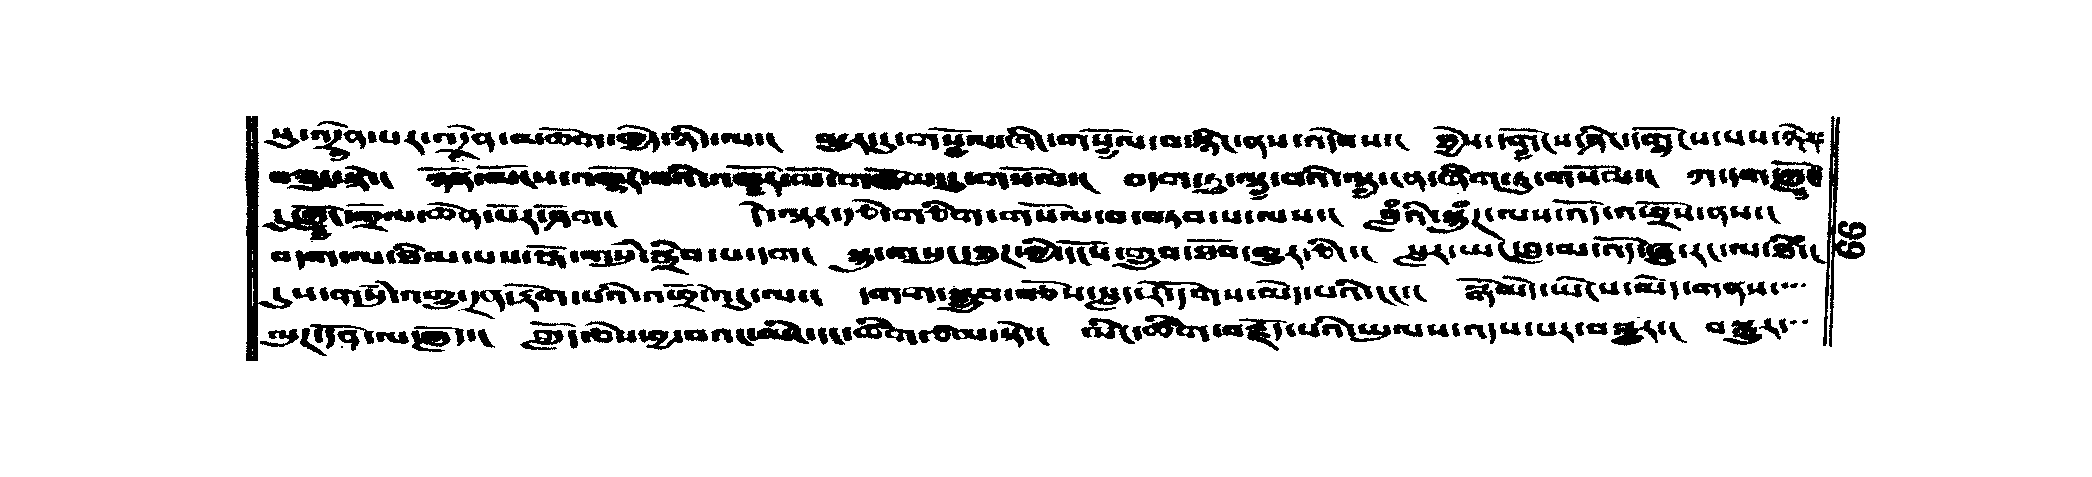སུ་འདྲེན་པར་འདྲེན་མཆོག་ཁྱེད་ཉིད་ལ། །མྱུར་དུ་གསོལ་ཞིང་གསོལ་བ་སྙིང་ནས་འདེབས། །ཐུགས་རྗེས་དགོངས་ཤིང་དགོངས་པས་ཉེར་
བཟུང་སྟེ། །ཉོན་མོངས་འཁོར་བའི་འཁོར་ལོ་གཞོམ་དུ་གསོལ། །བདག་ཏུ་ལྟ་བའི་ལྟ་ངན་ཞིག་ཏུ་གསོལ། །ཀ་དག་གློང་
དུ་གློང་གྲོལ་ཆེན་པོར་ཤོག །དེ་ལྟར་རྩེ་གཅིག་གསོལ་བ་བཏབ་པ་ལས། །བླ་མའི་སྐུ་གསུང་ཐུགས་ལས་འོད་འཕྲོས་ནས། །
བདག་ལ་ཐིམ་པས་སྒོ་གསུམ་སྒྲིབ་པ་དག །སྐུ་གསུང་ཐུགས་ཀྱི་དངོས་གྲུབ་ཐོབ་གྱུར་ཅིང་། །སླར་ཡང་བླ་མ་འོད་ཞུ་རང་ལ་ཐིམ། །
དུས་གསུམ་འགྱུ་དྲན་རྟོག་པའི་འཕྲོ་འདུ་ལ། །དགག་སྒྲུབ་བཅོས་སླད་རེ་དོགས་མེད་པའི་ངང་། །སྒོམ་མེད་ཡེངས་མེད་གནས་
ལུགས་དོན་ལ་གློད། །གློད་ཅེས་བྱ་བའང་མིང་དང་ཚིག་ཙམ་སྟེ། །མིང་ཚིག་བརྗོད་པའི་ཡུལ་ལས་འདས་པར་བསྐྱུར། །བསྐྱུར་